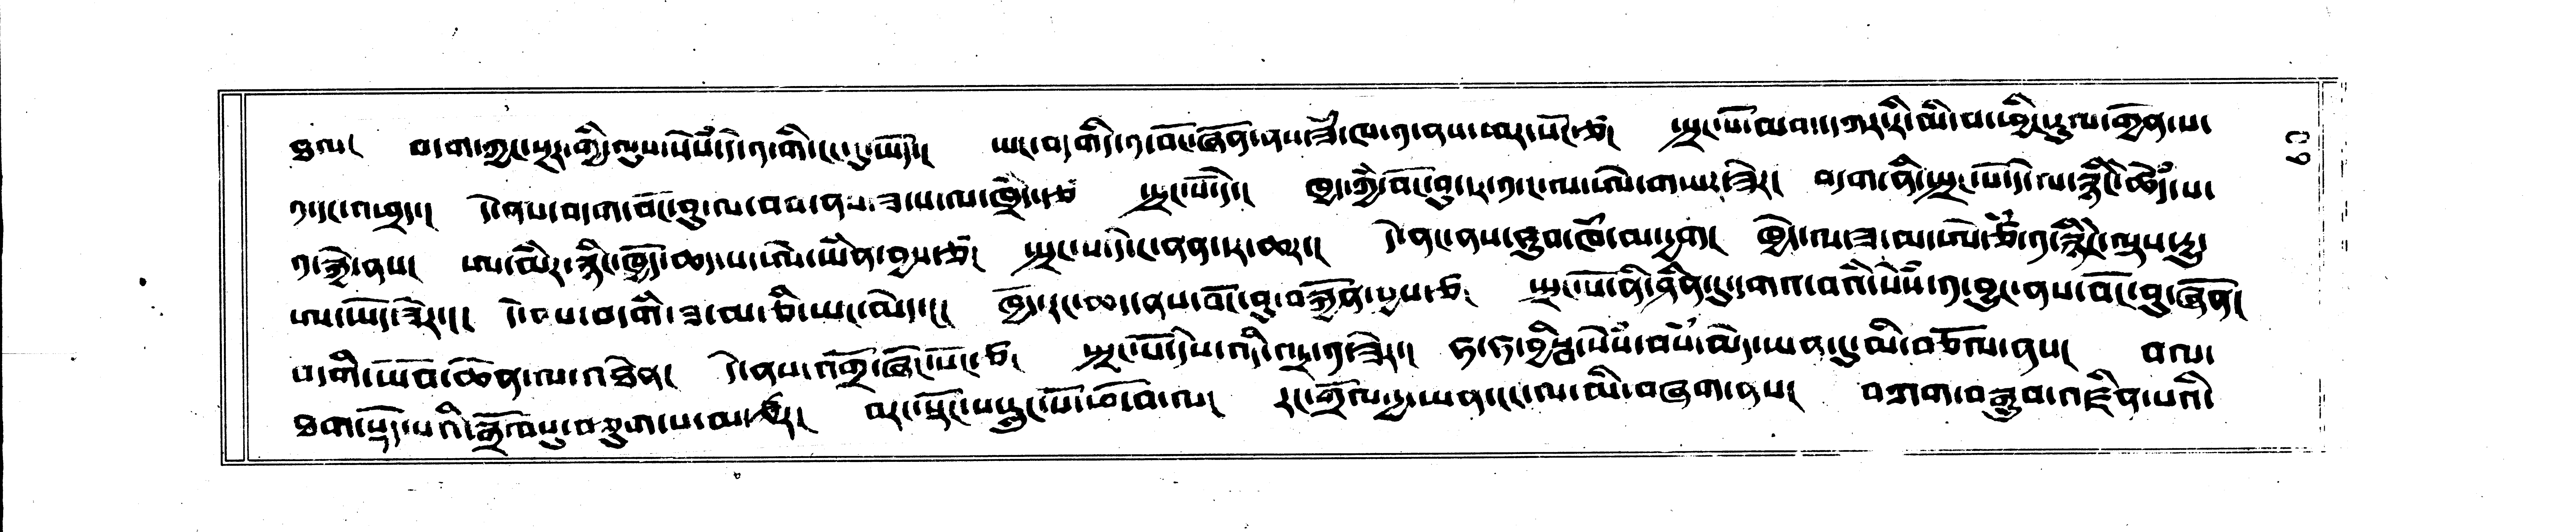ཐལ། བདག་ཀྱང་སྔགས་ཀྱི་ལུས་སེམས་དེ་གཅིག་གི་ངང་དུ་ཡོད། །ཡང་བདག་ཉིད་གཅིག་བོང་༼བོང་བུ༽ཞོན་ནས་ཟམ་ཁ་གཅིག་ནས་ཕར་སོང་ཙ། སྤྲང་པོ་ལྭ་བ་དཀར་རི་ལི་བ་ཕྱིང་རུལ་གྱོན་པ་
གཅིག་དང་འཕྲད། དེ་ནས་བདག་བོང་བུ་ལས་བབས་ནས་ཟམ་པ་ལ་ཁྲིད་ཙ་སྤྲང་པོ་དེ། ཁྱེད་ཀྱི་བོང་བུ་དར་གཅིག་ང་ལ་ཨེ་གཡར་ཟེར། བདག་ནི་སྤྲང་པོ་དེ་ལ་སྙིང་རྗེ་ཚད་མེད་པ་
གཅིག་སྐྱེ་ནས། ཨ་མིར་སྙིང་༼རྗེ༽ཁྱོད་ཆད་པ་ཨེ་ཡིན་བྱས་ཙ། སྤྲང་པོ་དེ་ང་ནན་དར་ཆར། དེ་ནང་ནས་ཧུབ་ཁམ་མ་རྒྱག ཁྱེད་ལ་ཟ་མ་ཨེ་ཙམ་གཅིག་སྙིང་རྗེ་བལྟ་རྒྱུ་
ཨེ་ཡོད་ཟེར། དེ་ནས་བདག་གི་ཟ་མ་ཅི་ཡང་མེད། ཁྱོད་རང་ཆད་ན་བོང་བུ་བསྐྱོན་བྱས་ཙ། སྤྲང་པོ་ནི་ཤིན་ཏུ་དགའ་བའི་སེམས་གཅིག་བྱུང་ནས་བོང་བུ་ཞོན། 
བདག་གིས་ཡོབ་ཆེན་ལ་འཐེན། དེ་ནས་འགྲོ་ཞིང་སོང་ཙ། སྤྲང་པོ་དེས་འདི་འདྲ་གཅིག་ཟེར། ཧ་ཧ་བྱི་སྦ། སེམས་བསམ་མེད་ཡན་དུ་མི་བཅོལ་ནས། བལ་
ཐག་སྡོད་པའི་སྒྲོགས་སུ་བཅུག་པ་མཚར། བར་སྣང་སྟོང་པ་རླུང་པོ་ཕོ་བ་ལ། རང་གྲོལ་རྒྱ་ཡན་ངང་ལ་མི་བཞག་ནས། བཀག་བསྒྲུབ་འཛིན་པའི་